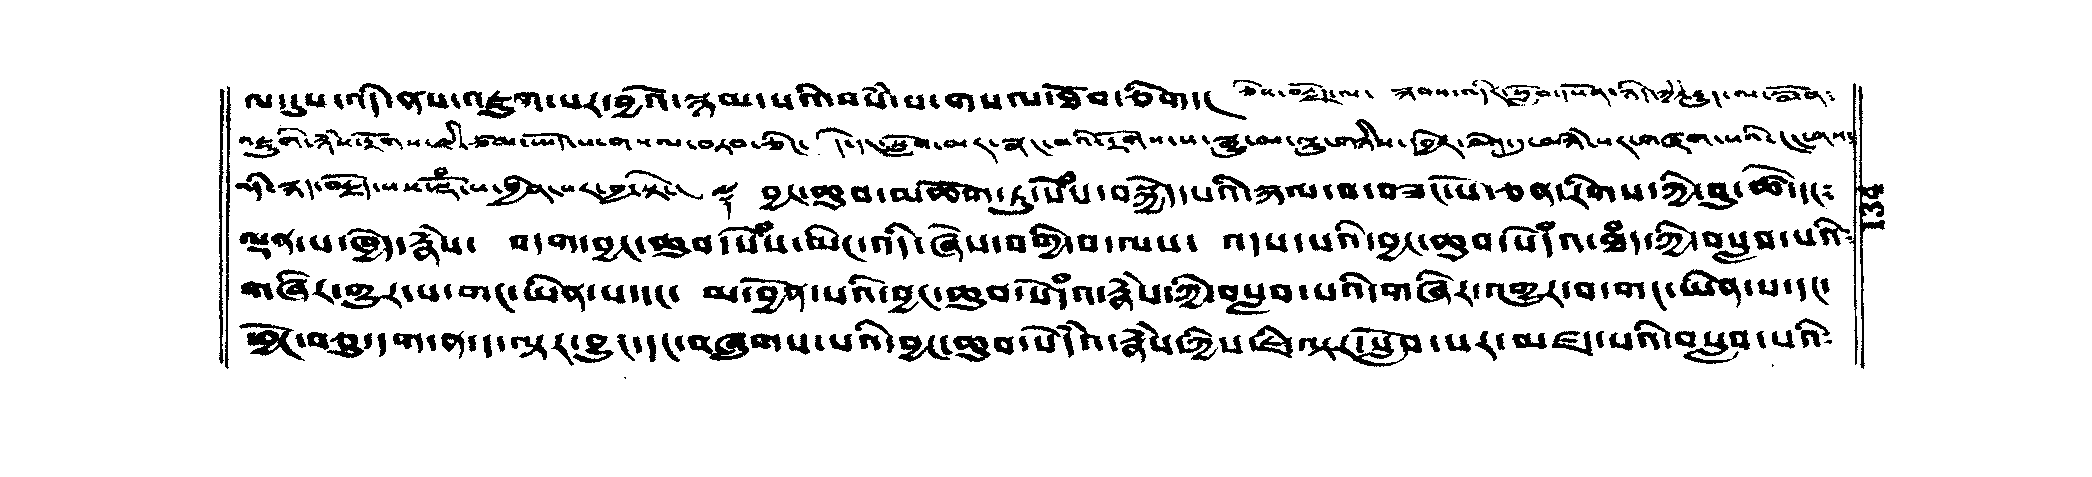ལ་དུས་འདི་ན་འཇུག་པར་བྱའོ་སྙམ་པའི་བསམ་པ་གསལ་ཐོབ་ཅིག ཅེས་བརྗོད་ལ། སྐབས་འདིར་སློབ་དཔོན་ཉིད་ཀྱི་རྒྱུད་ལ་སྨོན་
འཇུག་གི་ཉམས་རྟོགས་ཇི་ཙམ་ཡོད་པ་གསལ་བཏབ་ཅིང་། དེ་དང་སློབ་མར་སྣང་བའི་རྟོགས་པ་སྒྱུ་མ་ལྟ་བུ་གཉིས་དབྱེར་མེད་དུ་མཉམ་པར་གཞག་པའི་ངང་ནས་
འདི་སྐད་བརྗོད་པས་སྡོམ་པ་བྱིན་པར་བྱ་སྟེ། ༈ བྱང་ཆུབ་མཆོག་ཏུ་སེམས་བསྐྱེད་པའི་སྐལ་བ་བཟང་པོ་ཅན་རིགས་ཀྱི་བུ་ཚེ་དང་
ལྡན་པ་ཁྱེད་རྣམས། བདག་བྱང་ཆུབ་སེམས་མིང་འདི་ཞེས་བགྱི་བ་ལས། འདས་པའི་བྱང་ཆུབ་སེམས་དཔའ་ཐམས་ཅད་ཀྱི་བསླབ་པའི་
གཞིར་གྱུར་པ་གང་ཡིན་པ་དང་། མ་བྱོན་པའི་བྱང་ཆུབ་སེམས་དཔའ་རྣམས་ཀྱི་བསླབ་པའི་གཞིར་འགྱུར་བ་གང་ཡིན་པ་དང་། 
ཕྱོགས་བཅུ་དག་ན་ད་ལྟ་བྱུང་དང་བཞུགས་པའི་བྱང་ཆུབ་སེམས་དཔའི་རྣམས་ཀྱིས་ཇི་ལྟར་སློབ་པར་མཛད་པའི་བསླབ་པའི་